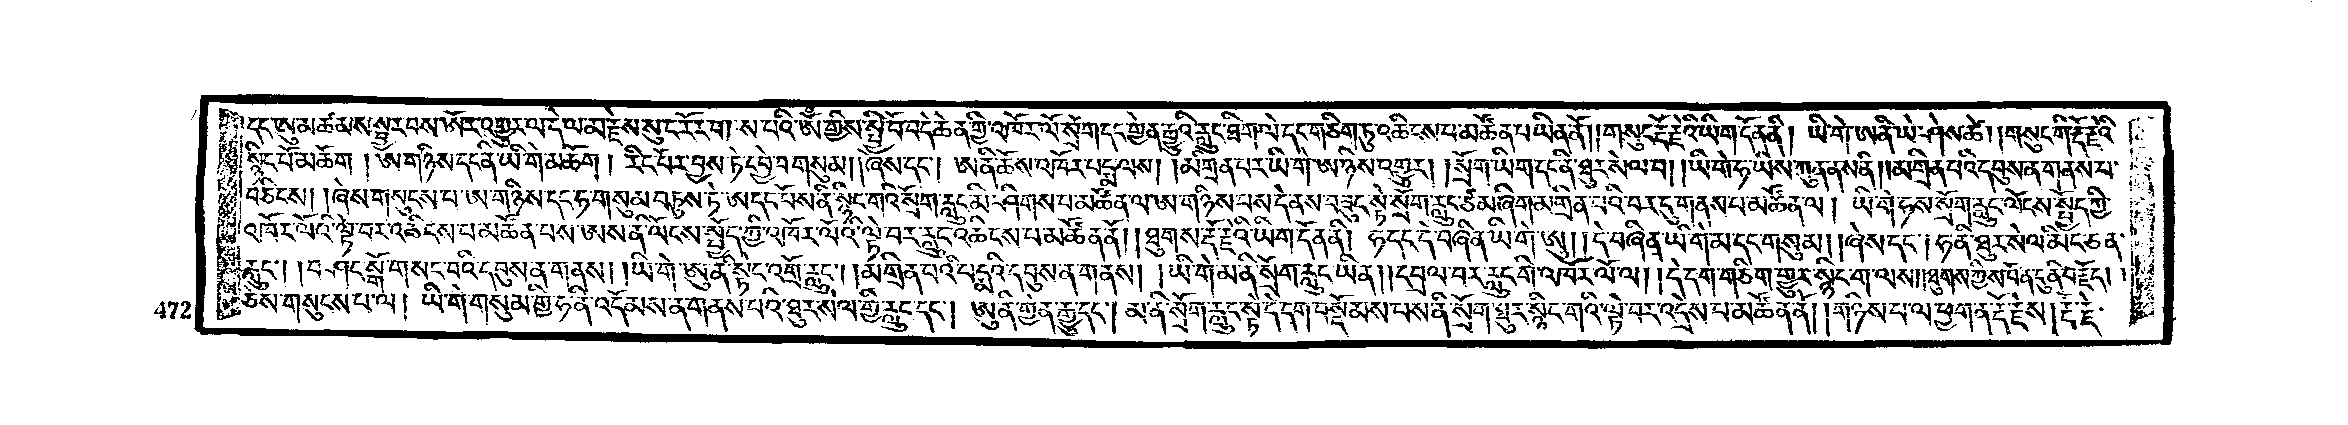དང་ཨུ་མཚམས་སྦྱར་བས་ཨོར་འགྱུར་ལ་དེ་ལ་མ་རྗེས་སུ་ང་རོར་བཅས་པའི་ཨོཾ་གྱིས་སྤྱི་བོ་བདེ་ཆེན་གྱི་འཁོར་ལོ་སྲོག་དང་གྱེན་རྒྱུའི་རླུང་ཐིག་ལེ་དང་གཅིག་ཏུ་འཆིངས་པ་མཚོན་པ་ཡིན་ནོ། །གསུང་རྡོ་རྗེའི་ཡིག་དོན་ནི། ཡི་གེ་ཨ་ནི་ཡེ་ཤེས་ཆེ། །གསུང་གི་རྡོ་རྗེའི་
སྙིང་པོ་མཆོག །ཨ་གཉིས་དང་ནི་ཡི་གེ་མཆོག །རིང་པོར་བྱས་ཏེ་དབྱེ་བ་གསུམ། །ཞེས་དང་། ཨ་ནི་ཆོས་འཁོར་པདམ་ལས། །མགྲིན་པར་ཡི་གེ་ཨ་ཉིས་འགྱུར། །སྲོག་ཡིག་དང་ནི་ཐུར་སེལ་བ། །ཡི་གེ་ཧ་ཡིས་ཀུན་ནས་ནི། །མགྲིན་པའི་དབུས་ན་གནས་པ་
བཅིངས། །ཞེས་གསུངས་པ་ཨ་གཉིས་དང་ཧ་གསུམ་བཏུས་ཏེ་ཨ་དང་པོས་ནི་སྙིང་གའི་སྲོག་རླུང་མི་ཤིགས་པ་མཚོན་ལ་ཨ་གཉིས་པས་དེ་ནས་བཟུང་སྟེ་སྲོག་རླུང་ཙམ་ཞིག་མགྲིན་པའི་བར་དུ་གནས་པ་མཚོན་ལ། ཡི་གེ་ཧས་སྲོག་རླུང་ལོངས་སྤྱོད་ཀྱི་
འཁོར་ལོའི་ལྟེ་བར་འཆིངས་པ་མཚོན་པས་ཨས་ནི་ལོངས་སྤྱོད་ཀྱི་འཁོར་ལོའི་ལྟེ་བར་རླུང་འཆིངས་པ་མཚོན་ནོ། །ཐུགས་རྡོ་རྗེའི་ཡིག་དོན་ནི། ཧ་དང་དེ་བཞིན་ཡི་གེ་ཨུ། །དེ་བཞིན་ཡི་གེ་མ་དང་གསུམ། །ཞེས་དང་། ཧ་ནི་ཐུར་སེལ་མིང་ཅན་
རླུང་། །བཤང་སྒོ་གསང་བའི་དབུས་ན་གནས། །ཡི་གེ་ཨུ་ནི་སྟེང་འགྲོ་རླུང་། །མགྲིན་པའི་པདམའི་དབུས་ན་གནས། །ཡི་གེ་མ་ནི་སྲོག་རླུང་ཡིན། །དཔྲལ་བར་རླུང་གི་འཁོར་ལོ་ལ། །དེ་དག་གཅིག་གྱུར་སྙིང་ག་ལས། །ཐུགས་ཀྱི་ས་བོན་དུ་ནི་བརྗོད། །
ཅེས་གསུངས་པ་ལ། ཡི་གེ་གསུམ་གྱི་ཧ་ནི་འདོམས་ན་གནས་པའི་ཐུར་སེལ་གྱི་རླུང་དང་། ཨུ་ནི་གྱེན་རྒྱུ་དང་། མ་ནི་སྲོག་རླུང་སྟེ་དེ་དག་བསྡོམས་པས་ནི་སྲོག་ཐུར་སྙིང་གའི་ལྟེ་བར་འདྲེས་པ་མཚོན་ནོ། །གཉིས་པ་ལ་ཕྱག་ན་རྡོ་རྗེས། རྡོ་རྗེ་